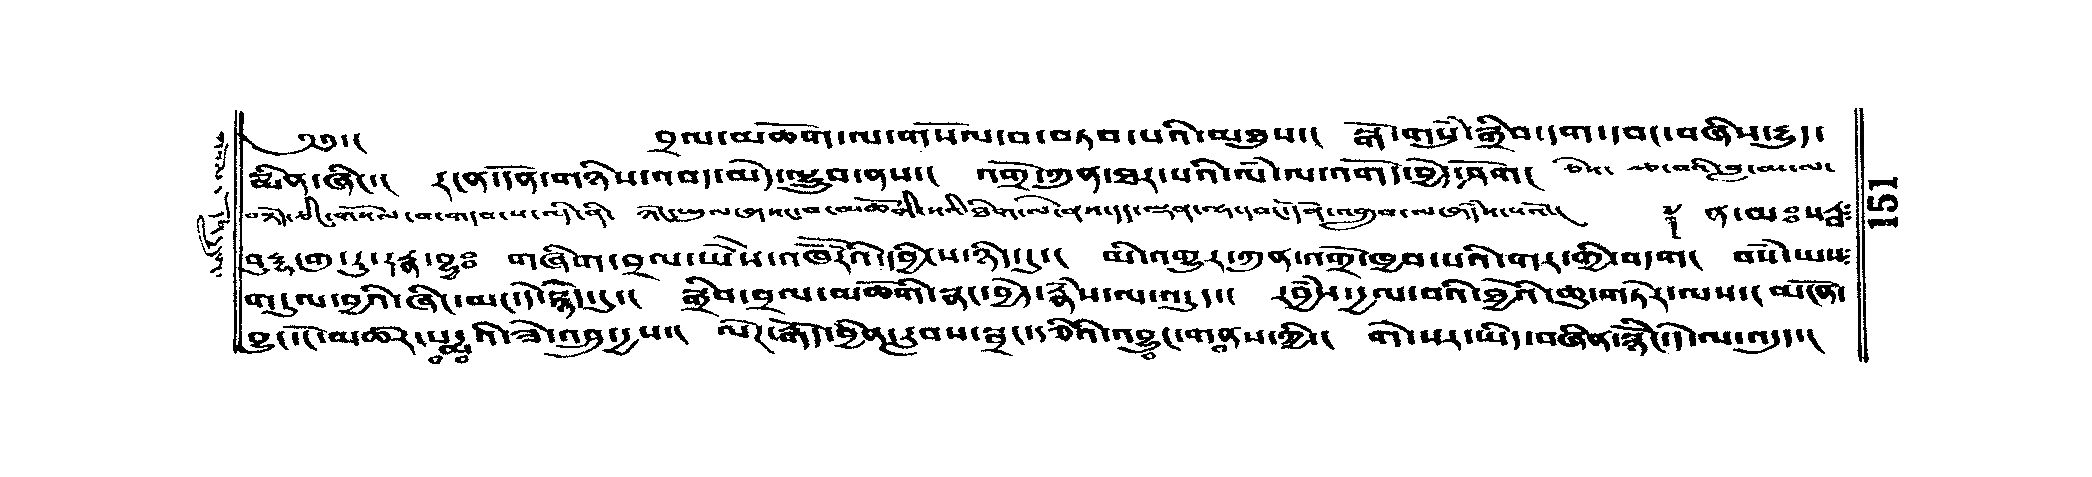བྲལ་མཆོག་ལ་གསོལ་བ་བཏབ་པའི་མཐུས། །སྒོ་གསུམ་སྒྲིབ་དག་དབང་བཞིས་རྒྱུད་
སྨིན་ཞིང་། །རང་གཞན་དོན་གཉིས་འབད་མེད་ལྷུན་གྲུབ་ནས། །འགྲོ་ཀུན་ཐར་པའི་ལམ་ལ་
འགོད་བྱེད་ཤོག ཅེས་རྩ་བའི་བླ་མ་ལ་བསྟོད་ཅིང་གསོལ་བ་གདབ་པ་འདི་ནི། ཀོང་ཡུལ་གསང་བ་མཆོག་གི་སའི་ཐིག་ལེ་ནས་དད་ལྡན་ལྷ་དབང་དོན་འགྲུབ་ལ་གདམས་པའོ།། ༈ ན་མཿསརྦ་
བུདྡྷ་གུ་རུ་རཏྣ་བྷྱཿ གཞིག་བྲལ་ཡེ་ཤེས་འཁོར་ལོའི་དབྱིངས་ཉིད་དུ། །མི་འགྱུར་ཀུན་འགྲོ་ཁྱབ་པའི་གར་གྱི་བདག །བསམ་ཡས་
གདུལ་བྱའི་ཞིང་མང་དེ་སྙེད་དུ། །སྒྲིབ་བྲལ་མཆོག་གི་སྣང་བྱེད་རྣམས་ལ་འདུད། །རབ་འབྱམས་རྒྱལ་བའི་ཐུགས་རྗེའི་ཆུ་གཏེར་ལས། །མངོན་
བྱུང་ངོ་མཚར་པདྨའི་ཟེ་འབྲུ་རྒྱས། །ལེགས་རྒོད་བྱིན་རླབས་སྦྲང་རྩིའི་འབྱུང་གནས་ཀྱི། །གེ་སར་ཡིད་བཞིན་སྙིང་རྗེ་དེ་ལ་འདུད།